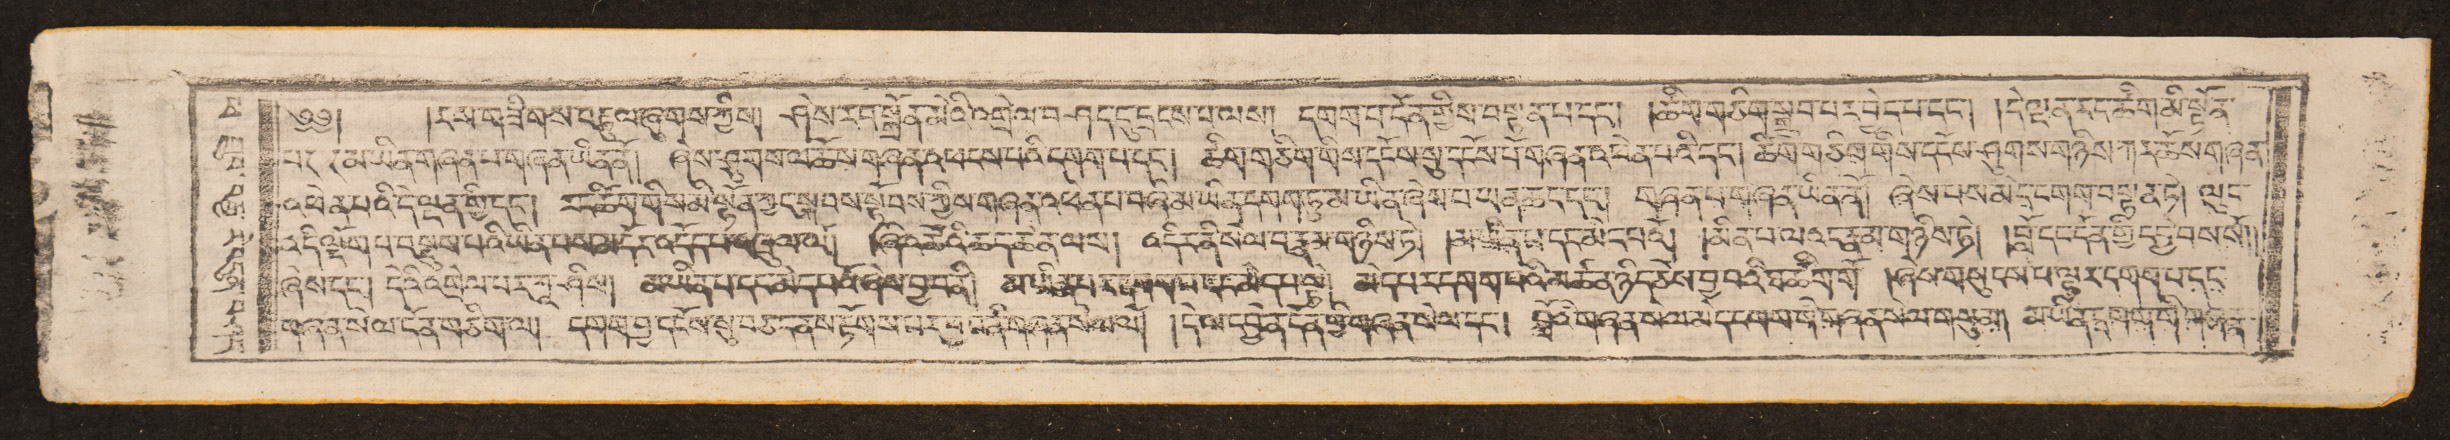༄༅། །རས་གཟིགས་བརྟུལ་ཞུགས་ཀྱིས། ཤེས་རབ་སྒྲོན་མེའི་འགྲེལ་བཤད་དུ་དྲངས་པ་ལས། དགག་པ་དོན་གྱིས་བསྟན་པ་དང་། །ཚིག་གཅིག་སྒྲུབ་པར་བྱེད་པ་དང་། །དེ་ལྡན་རང་ཚིག་མི་སྟོན།
པ༑ ༑མ་ཡིན་གཞན་པ་གཞན་ཡིན་ནོ། ཞེས་ཤུགས་ལ་ཆོས་གཞན་འཕངས་པའི་དགག་པ་དང་། ཚིག་གཅིག་གིས་དངོས་སུ་དངོས་པོ་གཞན་འཕེན་པའི་དང་། ཚིག་གཅིག་གིས་དངོས་ཤུགས་གཉིས་ཀར་ཆོས་གཞན་
འཕེན་པའི་དེ་ལྡན་གྱི་དང་། རང་ཚིག་གིས་མི་སྟོན་ཀྱང་སྐབས་སྟོབས་ཀྱིས་གཞན་འཕེན་པ་བཞི་མ་ཡིན་དགག་ཏུ་མ་ཡིན་ཞེས་པ་ཡན་ཆད་དང་། གཞན་པ་གཞན་ཡིན་ནོ། ཞེས་པས་མེད་དགག་བསྟན་ཏེ། ལུང་
འདི་ལྡོག་པ་བསྡུས་པའི་ཡིན་པས་མདོར་འདོད་པ་འཁྲུལ་ལོ། །ཞི་འཚོའི་ཆད་ཆེན་ལས། འདིར་ནི་སལ་བ་རྣམ་གཉིས་ཏེ། །མ་ཡིན་པ་དང་མེད་པའོ། །མིན་པ་ལའང་རྣམ་གཉིས་ཏེ། །བློད་?་བདོན་?་གྱི་དབྱེབས་སོ།།
ཞེས་དང་། དེའི་འགྲེལ་པར་ཀཱ་ཤིས། མ་ཡིན་པ་དང་མེད་པའོ་ཞེས་བྱ་བ་ནི། མ་ཡིན་པར་དགག་པ་དང་མེད་པ་སྟེ། མེད་པར་དགག་པའི་མཚན་ཉིད་ཅེས་བྱ་བའི་ཐ་ཚིག་གོ །ཞེས་གསུངས་པ་ལྟར་དགག་པ་དང་
གཞན་སེལ་དོན་གཅིག་ལ། དགག་བྱ་དངོས་སུ་བཅད་ནས་རྟོགས་པར་བྱ་བ་ནི་གཞན་སེལ་ལོ། །དེ་ལ་དབྱེ་ན་དོན་གྱི་གཞན་སེལ་དང་། བློའི་གཞན་སེལ་མེད་དགག་?་གི་གཞན་སེལ་གསུམ། མ་ཡིན་དགག་གི་གཞན་